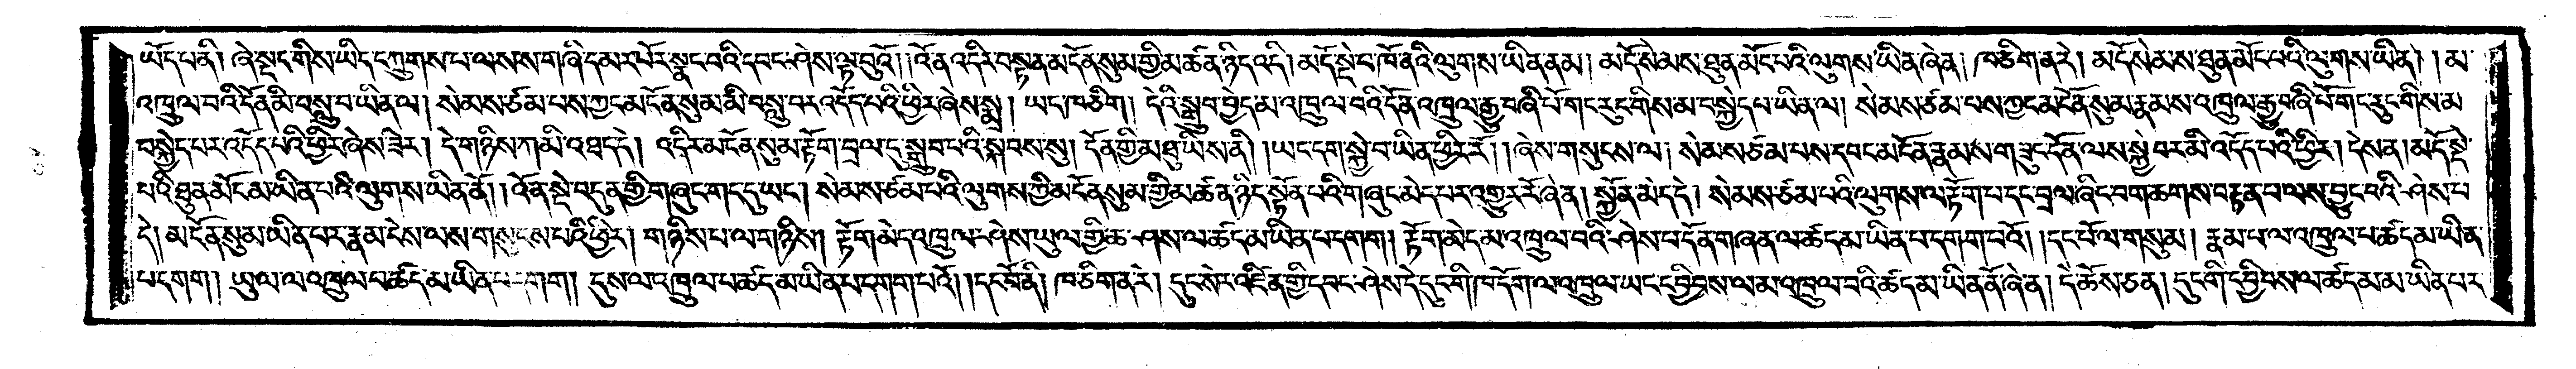ཡོད་པ་ནི། ཞེ་སྡང་གིས་ཡིད་དཀྲུགས་པ་ལས་ས་གཞི་དམར་པོར་སྣང་བའི་དབང་ཤེས་ལྟ་བུའོ། །འོ་ན་འདིར་བསྟན་མངོན་སུམ་གྱི་མཚན་ཉིད་འདི། མདོ་སྡེ་པ་ཁོ་ནའི་ལུགས་ཡིན་ནམ། མདོ་སེམས་ཐུན་མོང་བའི་ལུགས་ཡིན་ཞེ་ན། ཁ་ཅིག་ན་རེ། མདོ་སེམས་ཐུན་མོང་བའི་ལུགས་ཡིན་ཏེ། མ་
འཁྲུལ་བའི་དོན་མི་བསླུ་བ་ཡིན་ལ། སེམས་ཙམ་པས་ཀྱང་མངོན་སུམ་མི་བསླུ་བར་འདོད་པའི་ཕྱིར་ཞེས་སྨྲ། ཡང་ཁ་ཅིག །དེའི་སྒྲུབ་བྱེད་མ་འཁྲུལ་བའི་དོན་འཁྲུལ་རྒྱུ་བཞི་པོ་གང་རུང་གིས་མ་བསྐྱེད་པ་ཡིན་ལ། སེམས་ཙམ་པས་ཀྱང་མངོན་སུམ་རྣམས་འཁྲུལ་རྒྱུ་བཞི་པོ་གང་རུང་གིས་མ་
བསྐྱེད་པར་འདོད་པའི་ཕྱིར་ཞེས་ཟེར། དེ་གཉིས་ཀ་མི་འཐད་དེ། འདིར་མངོན་སུམ་རྟོག་བྲལ་དུ་སྒྲུབ་པའི་སྐབས་སུ། དོན་གྱི་མཐུ་ཡིས་ནི། །ཡང་དག་སྐྱེ་བ་ཡིན་ཕྱིར་རོ། །ཞེས་གསུངས་ལ། སེམས་ཙམ་པས་དབང་མངོན་རྣམས་གཟུང་དོན་ལས་སྐྱེ་བར་མི་འདོད་པའི་ཕྱིར། དེས་ན། མདོ་སྡེ་
པའི་ཐུན་མོང་མ་ཡིན་པའི་ལུགས་ཡིན་ནོ། །འོ་ན་སྡེ་བདུན་གྱི་གཞུང་གང་དུ་ཡང་། སེམས་ཙམ་པའི་ལུགས་ཀྱི་མངོན་སུམ་གྱི་མཚན་ཉིད་སྟོན་པའི་གཞུང་མེད་པར་འགྱུར་རོ་ཞེ་ན། སྐྱོན་མེད་དེ། སེམས་ཙམ་པའི་ལུགས་ལ་རྟོག་པ་དང་བྲལ་ཞིང་བག་ཆགས་བརྟན་པ་ལས་བྱུང་བའི་ཤེས་པ་
དེ། མངོན་སུམ་ཡིན་པར་རྣམ་ངེས་ལས་གསུངས་པའི་ཕྱིར། གཉིས་པ་ལ་གཉིས། རྟོག་མེད་འཁྲུལ་ཤེས་ཡུལ་གྱི་ཆ་ཤས་ལ་ཚད་མ་ཡིན་པ་དགག །རྟོག་མེད་མ་འཁྲུལ་བའི་ཤེས་པ་དོན་གཞན་ལ་ཚད་མ་ཡིན་པ་དགག་པའོ། །དང་པོ་ལ་གསུམ། རྣམ་པ་ལ་འཁྲུལ་པ་ཚད་མ་ཡིན་
པ་དགག །ཡུལ་ལ་འཁྲུལ་པ་ཚད་མ་ཡིན་པ་དགག །དུས་ལ་འཁྲུལ་པ་ཚད་མ་ཡིན་པ་དགག་པའོ། །དང་པོ་ནི། ཁ་ཅིག་ན་རེ། དུང་སེར་འཛིན་གྱི་དབང་ཤེས་དེ་དུང་གི་ཁ་དོག་ལ་འཁྲུལ་ཡང་དབྱིབས་ལ་མ་འཁྲུལ་བའི་ཚད་མ་ཡིན་ནོ་ཞེ་ན། དེ་ཆོས་ཅན། དུང་གི་དབྱིབས་ལ་ཚད་མ་མ་ཡིན་པར་